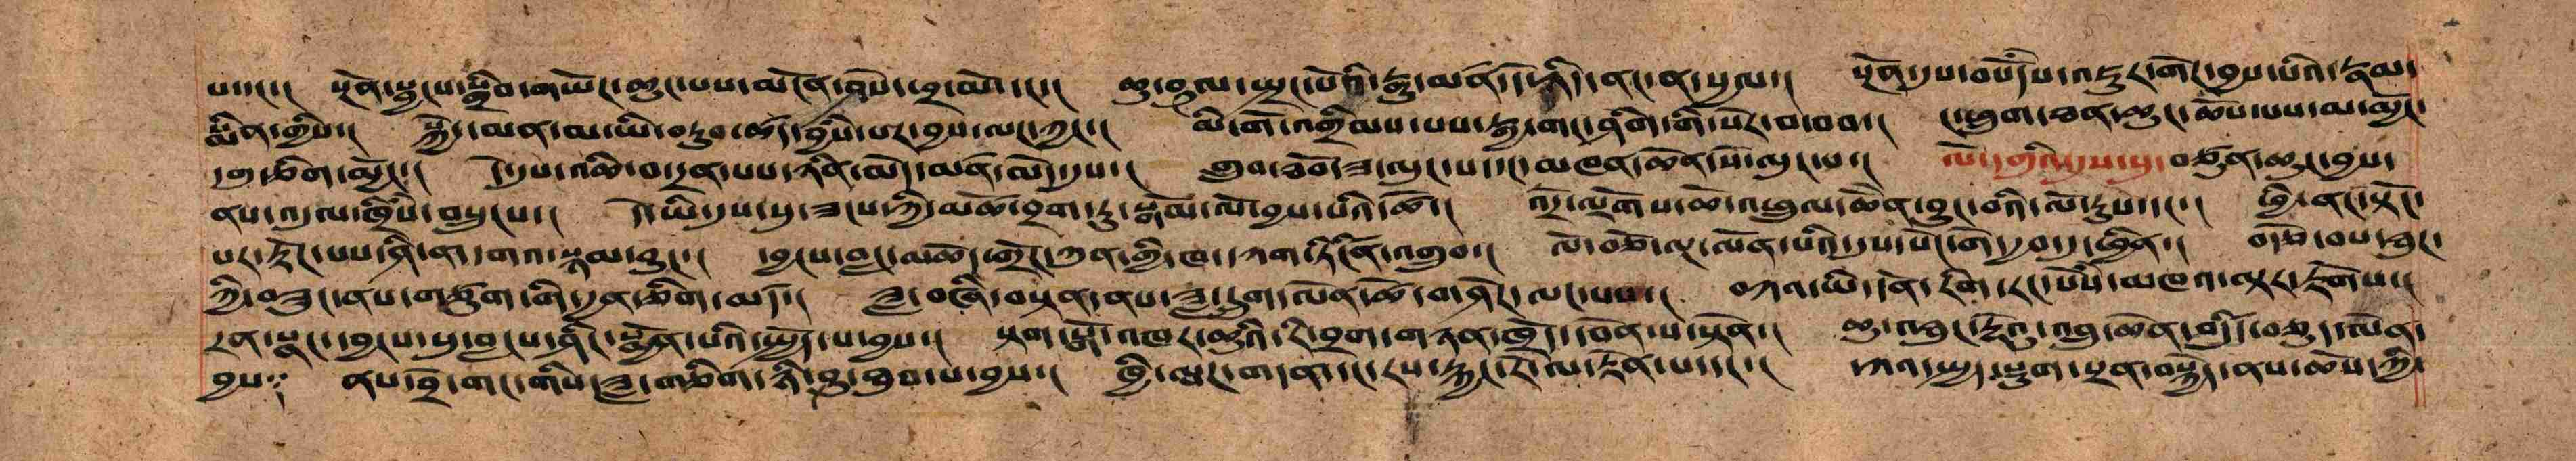པ་དང་། སྔོན་སྦྱངས་སྒྲིབ་གཡོགས་ཆུང་པས་མངོན་ཤེས་ཕྲ་མོ་དང་། ཆུ་ཤུལ་སྤྲང་པོའི་རྒྱུ་མཚན་དེ་ཉིད་ནང་ན་གསལ། སྔོན་དུས་བསོད་ནམས་འཇུཊ་གེགས་བྱས་པའི་རྣམ་
སྨིན་གྱིས། སྐྱེ་དམན་མ་ཡི་བཏུབ་ཚད་བྱམས་པར་བྱས་ལགས་ཀྱང་། མི་གོ་འགྲིམས་པས་རྒྱ་གང་ཤིག་གི་སེར་བ་བབ། ང་ཕྲུག་ཐན་ཆུང་ཆོས་པས་མ་མྱོང་
དགུ་ཅིག་མྱོང་། དེ་དུས་འཆི་བ་དྲན་པས་ཉིན་མེད་མཚན་མེད་དུས། གྲུབ་ཐོབ་ཟ་ལུང་པ་དང་མཁན་ཆེན་པོ་ལུང་པ། ལོ་དགུའི་དུས་སུ་བཙུན་ཆུང་བྱས་
ནས་འདུལ་ཁྲིམས་བསྲུངས། དེ་ཡི་དུས་སུ་ཟངས་ཀྱི་མཚོ་བྲག་ཏུ་སྒོམ་ལོ་བྱས་པའི་ཚེ། འདྲེ་ལྡོགས་ཆོ་འཕྲུལ་ཆེན་པོ་བྱུང་བའི་ལོ་རྒྱུས་དང་། ཕྱི་ནང་སྟོང་
པར་རྟོགས་པས་ཤི་ན་དགའ་སྙམ་བྱུང་། དབྱངས་བླང་མཆེད་གྲོགས་ཀུན་གྱི་ཁ་དཀག་ཏིང་འཛིན་འགྲུབ། ལོ་བཅོ་ལྔ་ལོན་པའི་དུས་སེང་གེ་རྒྱབ་དུ་ཕྱིན། བརྩེ་བས་ཐུགས་
ཀྱི་བཟུང་ནས་གཙུག་གི་རྒྱན་ཅིག་མཛད། ཟླ་བཞི་བསྟན་ནས་ཟླ་དྲུག་ལོན་ཚེ་གཤེགས་ལགས་པས། བཀའ་ཡི་དོན་རིག་རང་སེམས་མཁའ་ལྟར་རྟོགས། 
དྲན་སྣང་དབྱངས་སུ་བླངས་ཤིང་སྨྱོན་པའི་སྤྱོད་པ་བྱས། སྟག་སྒོ་མཁར་ཆུའི་རི་བྲག་གཉན་ཁྲོད་དབེན་པ་སྟོན། ཆུ་འཐུང་རྡེའུ་འབྲུ་ཆེན་བདུད་རྩི་བཅུད་ལེན་
བྱས༑ ནས་བྲོ་གང་གིས་ཟླ་གཅིག་ཉི་ཤུ་ཐུབ་པ་བྱས། ཁྱི་ལྤགས་གདན་དང་རས་རྐྱང་རོ་ལ་རྟེན་པ་དང་། དཀའ་སྤྱད་སྡུག་སྲན་བསྐྱེད་ནས་ཆོས་ཀྱི་